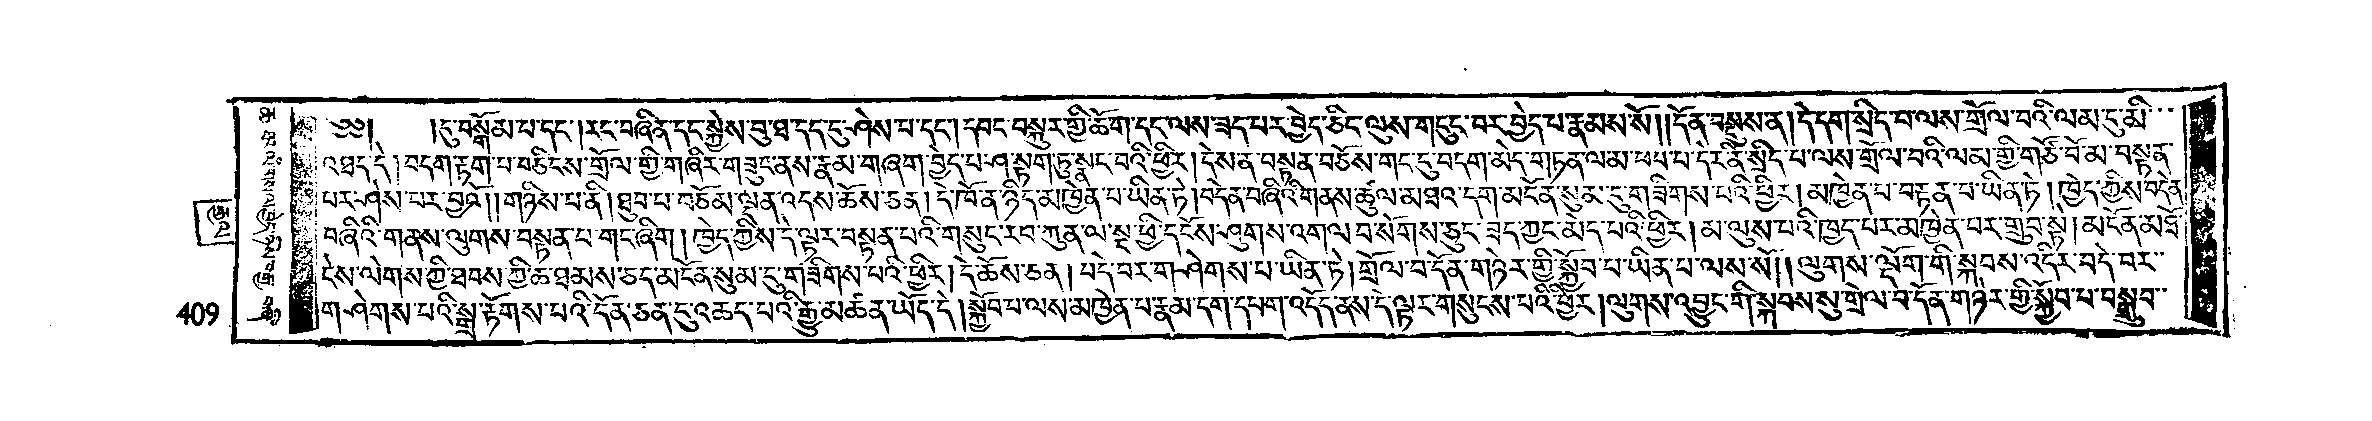༄༅། །དུ་བསྒོམ་པ་དང་། རང་བཞིན་དང་སྐྱེས་བུ་ཐ་དད་དུ་ཤེས་པ་དང་། དབང་བསྐུར་གྱི་ཆོ་ག་དང་ལས་ཟད་པར་བྱེད་ཅིང་ལུས་གདུང་བར་བྱེད་པ་རྣམས་སོ། །དོན་བསྡུས་ན། དེ་དག་སྲིད་པ་ལས་གྲོལ་བའི་ལམ་དུ་མི་
འཐད་དེ། བདག་རྟག་པ་བཅིངས་གྲོལ་གྱི་གཞིར་གཟུང་ནས་རྣམ་གཞག་བྱེད་པ་ཤ་སྟག་ཏུ་སྣང་བའི་ཕྱིར། དེས་ན་བསྟན་བཅོས་གང་དུ་བདག་མེད་གཏན་ལ་མ་ཕབ་པ་དེར་ནི་སྲིད་པ་ལས་གྲོལ་བའི་ལམ་གྱི་གཙོ་བོ་མ་བསྟན་
པར་ཤེས་པར་བྱའོ། །གཉིས་པ་ནི། ཐུབ་པ་བཅོམ་ལྡན་འདས་ཆོས་ཅན། དེ་ཁོ་ན་ཉིད་མཁྱེན་པ་ཡིན་ཏེ། བདེན་བཞིའི་གནས་ཚུལ་མཐའ་དག་མངོན་སུམ་དུ་གཟིགས་པའི་ཕྱིར། མཁྱེན་པ་བརྟན་པ་ཡིན་ཏེ། ཁྱེད་ཀྱིས་བདེན་
བཞིའི་གནས་ལུགས་བསྟན་པ་གང་ཞིག །ཁྱེད་ཀྱིས་དེ་ལྟར་བསྟན་པའི་གསུང་རབ་ཀུན་ལ་སྔ་ཕྱི་དངོས་ཤུགས་འགལ་བ་སོགས་ཅུང་ཟད་ཀྱང་མེད་པའི་ཕྱིར། མ་ལུས་པའི་ཁྱད་པར་མཁྱེན་པར་གྲུབ་སྟེ། མངོན་མཐོ་
ངེས་ལེགས་ཀྱི་ཐབས་ཀྱི་ཆ་ཐམས་ཅད་མངོན་སུམ་དུ་གཟིགས་པའི་ཕྱིར། དེ་ཆོས་ཅན། བདེ་བར་གཤེགས་པ་ཡིན་ཏེ། གྲོལ་བ་དོན་གཉེར་གྱི་སྐྱོབ་པ་ཡིན་པ་ལས་སོ། །ལུགས་ལྡོག་གི་སྐབས་འདིར་བདེ་བར་
གཤེགས་པའི་སྒྲ་རྟོགས་པའི་དོན་ཅན་དུ་འཆད་པའི་རྒྱུ་མཚན་ཡོད་དེ། སྐྱོབ་པ་ལས་མཁྱེན་པ་རྣམ་དག་དཔག་འདོད་ནས་དེ་ལྟར་གསུངས་པའི་ཕྱིར། ལུགས་འབྱུང་གི་སྐབས་སུ་གྲེལ་བ་དོན་གཉེར་གྱི་སྐྱོབ་པ་བསྒྲུབ་